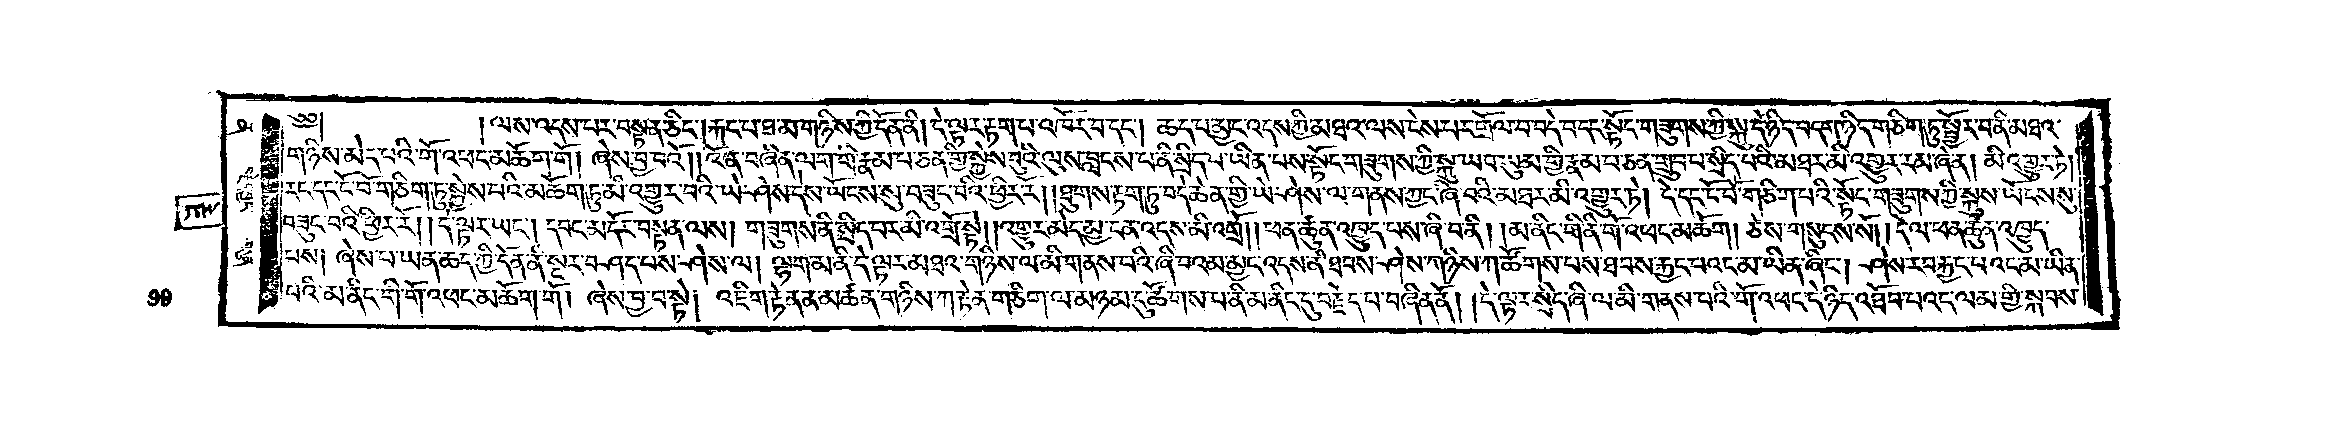༄༅། །ལས་འདས་པར་བསྟན་ཅིང་། རྐང་པ་ཐ་མ་གཉིས་ཀྱི་དོན་ནི། དེ་ལྟར་རྟག་པ་འཁོར་བ་དང་། ཆད་པ་མྱང་འདས་ཀྱི་མཐའ་ལས་ངེས་པར་གྲོལ་བ་བདེ་བ་དང་སྟོང་གཟུགས་ཀྱི་སྐུ་དེ་ཉིད་བདག་ཉིད་གཅིག་ཏུ་སྦྱོར་བ་ནི་མཐའ་
གཉིས་མེད་པའི་གོ་འཕང་མཆོག་གོ །ཞེས་བྱ་བའོ། །འོ་ན་བཞིན་ལག་གི་རྣམ་པ་ཅན་གྱི་སྐྱེས་བུའི་ལུས་བླངས་པ་ནི་སྲིད་པ་ཡིན་པས་སྟོང་གཟུགས་ཀྱི་སྐུ་ཡབ་ཡུམ་གྱི་རྣམ་པ་ཅན་གྲུབ་པ་སྲིད་པའི་མཐར་མི་འགྱུར་རམ་ཞེ་ན། མི་འགྱུར་ཏེ།
རང་དང་ངོ་བོ་གཅིག་ཏུ་སྐྱེས་པའི་མཆོག་ཏུ་མི་འགྱུར་བའི་ཡེ་ཤེས་དེས་ཡོངས་སུ་བཟུང་བའི་ཕྱིར་རོ། །ཐུགས་རྟག་ཏུ་བདེ་ཆེན་གྱི་ཡེ་ཤེས་ལ་གནས་ཀྱང་ཞི་བའི་མཐར་མི་འགྱུར་ཏེ། དེ་དང་ངོ་བོ་གཅིག་པའི་སྟོང་གཟུགས་ཀྱི་སྐུས་ཡོངས་སུ་
བཟུང་བའི་ཕྱིར་རོ། །དེ་ལྟར་ཡང་། དབང་མདོར་བསྟན་ལས། གཟུགས་ནི་སྲིད་པར་མི་འགྲོ་སྟེ། །འགྱུར་མེད་མྱ་ངན་འདས་མི་འགྲོ། །ཕན་ཚུན་འཁྱུད་པས་ཞི་བ་ནི། །མ་ནིང་གི་ནི་གོ་འཕང་མཆོག །ཅེས་གསུངས་སོ། །དེ་ལ་ཕན་ཚུན་འཁྱུད་
པས། ཞེས་པ་ཡན་ཆད་ཀྱི་དོན་ནི་སྔར་བཤད་པས་ཤེས་ལ། ལྷག་མ་ནི་དེ་ལྟར་མཐའ་གཉིས་ལ་མི་གནས་པའི་ཞི་བའམ་མྱང་འདས་ནི་ཐབས་ཤེས་གཉིས་ཀ་ཚོགས་པས་ཐབས་རྐྱང་པའང་མ་ཡིན་ཞིང་། ཤེས་རབ་རྐྱང་པའང་མ་ཡིན་
པའི་མ་ནིང་གི་གོ་འཕང་མཆོག་གོ །ཞེས་བྱ་བ་སྟེ། འཇིག་རྟེན་ན་མཚན་གཉིས་ཀ་རྟེན་གཅིག་ལ་མཉམ་དུ་ཚོགས་པ་ནི་མ་ནིང་དུ་བརྗོད་པ་བཞིན་ནོ། །དེ་ལྟར་སྲིད་ཞི་ལ་མི་གནས་པའི་གོ་འཕང་དེ་ཉིད་འཐོབ་པའང་ལམ་གྱི་སྐབས་